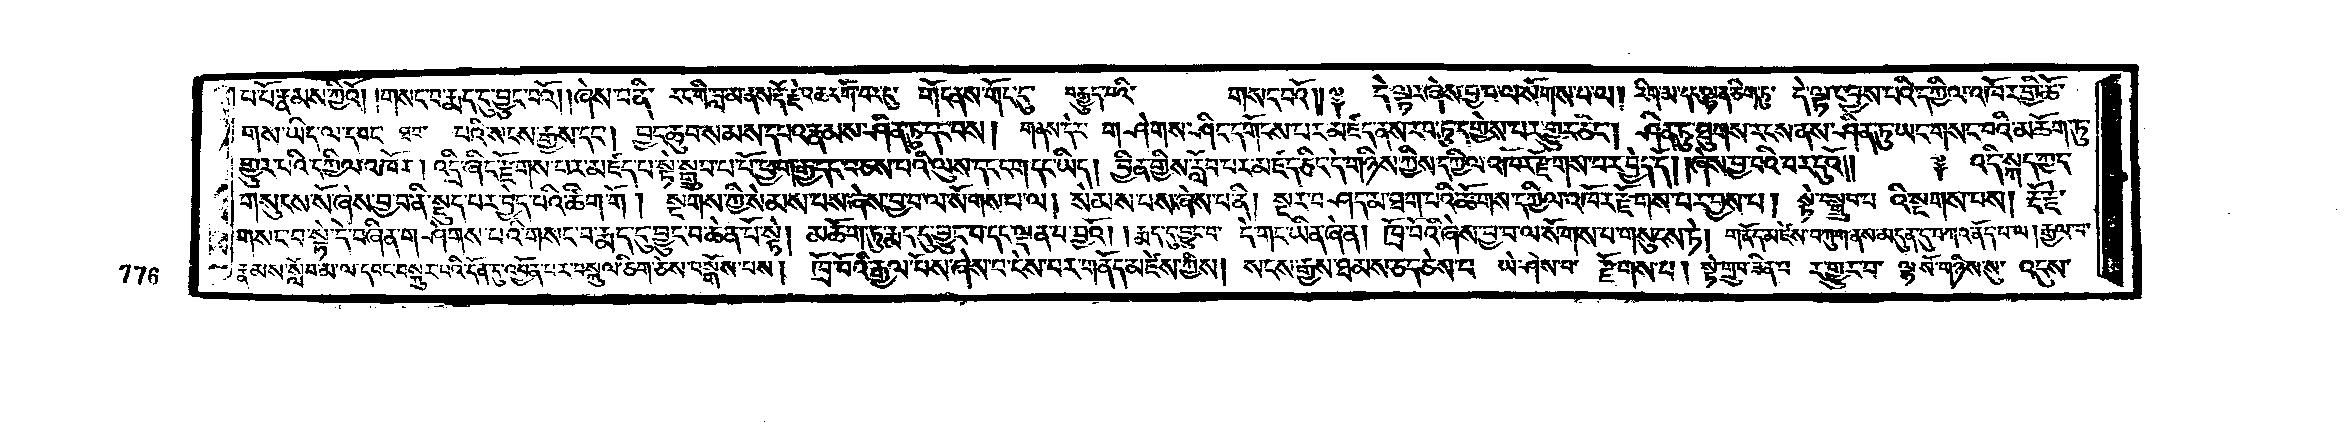པ་པོ་རྣམས་ཀྱིའོ། །གསང་བ་རྨད་དུ་བྱུང་བའོ། །ཞེས་པ་ནི་རང་གི་བླ་མ་ནས་རྡོ་རྗེ་འཆང་གི་བར་དུ་གོང་ནས་གོང་དུ་བརྒྱུད་པའི་གསང་བའོ།། ༈ དེ་ལྟར་ཞེས་བྱ་བ་ལ་སོགས་པ་ལ། རིག་མ་དང་ལྷན་ཅིག་ཏུ་དེ་ལྟར་བྱས་པའི་དཀྱིལ་འཁོར་གྱི་ཆོ་
གས་ཡིད་ལ་དབང་ཐོབ་པའི་སངས་རྒྱས་དང་། བྱང་ཆུབ་སེམས་དཔའ་རྣམས་ཤིན་ཏུ་དང་བས། གནས་དེར་གཤེགས་ཤིང་དགོངས་པར་མཛད་ནས་རབ་ཏུ་དགྱེས་པར་གྱུར་ཅིང་། ཤིན་ཏུ་ཐུགས་རངས་ནས་ཤིན་ཏུ་ཡང་གསང་བའི་མཆོག་ཏུ་
གྱུར་པའི་དཀྱིལ་འཁོར། འདྲི་ཞིང་རྫོགས་པར་མཛད་པ་སྟེ་སྒྲུབ་པ་པོ་ཕྱག་རྒྱ་དང་བཅས་པའི་ལུས་དང་ངག་དང་ཡིད། བྱིན་གྱིས་རློབ་པར་མཛད་ཅིང་དེ་གཉིས་ཀྱིས་དཀྱིལ་འཁོར་རྫོགས་པར་བྱེད་དོ། །ཞེས་བྱ་བའི་བར་དུའོ།། ༈ འདི་སྐད་ཀྱང་
གསུངས་སོ་ཞེས་བྱ་བ་ནི་སྡུད་པར་བྱེད་པའི་ཚིག་གོ །སྔགས་ཀྱི་སེམས་པས་ཞེས་བྱ་བ་ལ་སོགས་པ་ལ། སེམས་པས་ཞེས་པ་ནི། སྔར་བཤད་མ་ཐག་པའི་ཚོགས་དཀྱིལ་འཁོར་རྫོགས་པར་བྱས་པ། སྟེ་བསྒྲུབ་པའི་སྔགས་པས། རྡོ་རྗེ་
གསང་བ་སྟེ་དེ་བཞིན་གཤེགས་པའི་གསང་བ་རྨད་དུ་བྱུང་བ་ཆེན་པོ་སྟེ། མཆོག་ཏུ་རྨད་དུ་བྱུང་བ་ལྡན་པ་བྱའོ། ། རྨད་དུ་བྱུང་བ་དེ་གང་ཡིན་ཞེ་ན། ཁྲོ་བོའི་ཞེས་བྱ་བ་ལ་སོགས་པ་གསུངས་ཏེ། གནོད་མཛེས་བཀུག་ནས་མདུན་དུ་བཀའ་ནོད་པ་ལ། རྒྱལ་བ་
རྣམས་སློབ་མ་ལ་དབང་བསྐུར་བའི་དོན་དུ་འབྱོན་པར་བསྐུལ་ཅིག་ཅེས་བསྒོས་པས། ཁྲོ་བོའི་རྒྱལ་པོས་ཞེས་པ་ངེས་པར་གནོད་མཛེས་ཀྱིས། སངས་རྒྱས་ཐམས་ཅད་ཅེས་པ་ཡེ་ཤེས་པ་རྫོགས་པ། སྟེ་གྲུབ་ཟིན་པར་གྱུར་བ་ལྷ་སོ་གཉིས་སུ་འདུས་